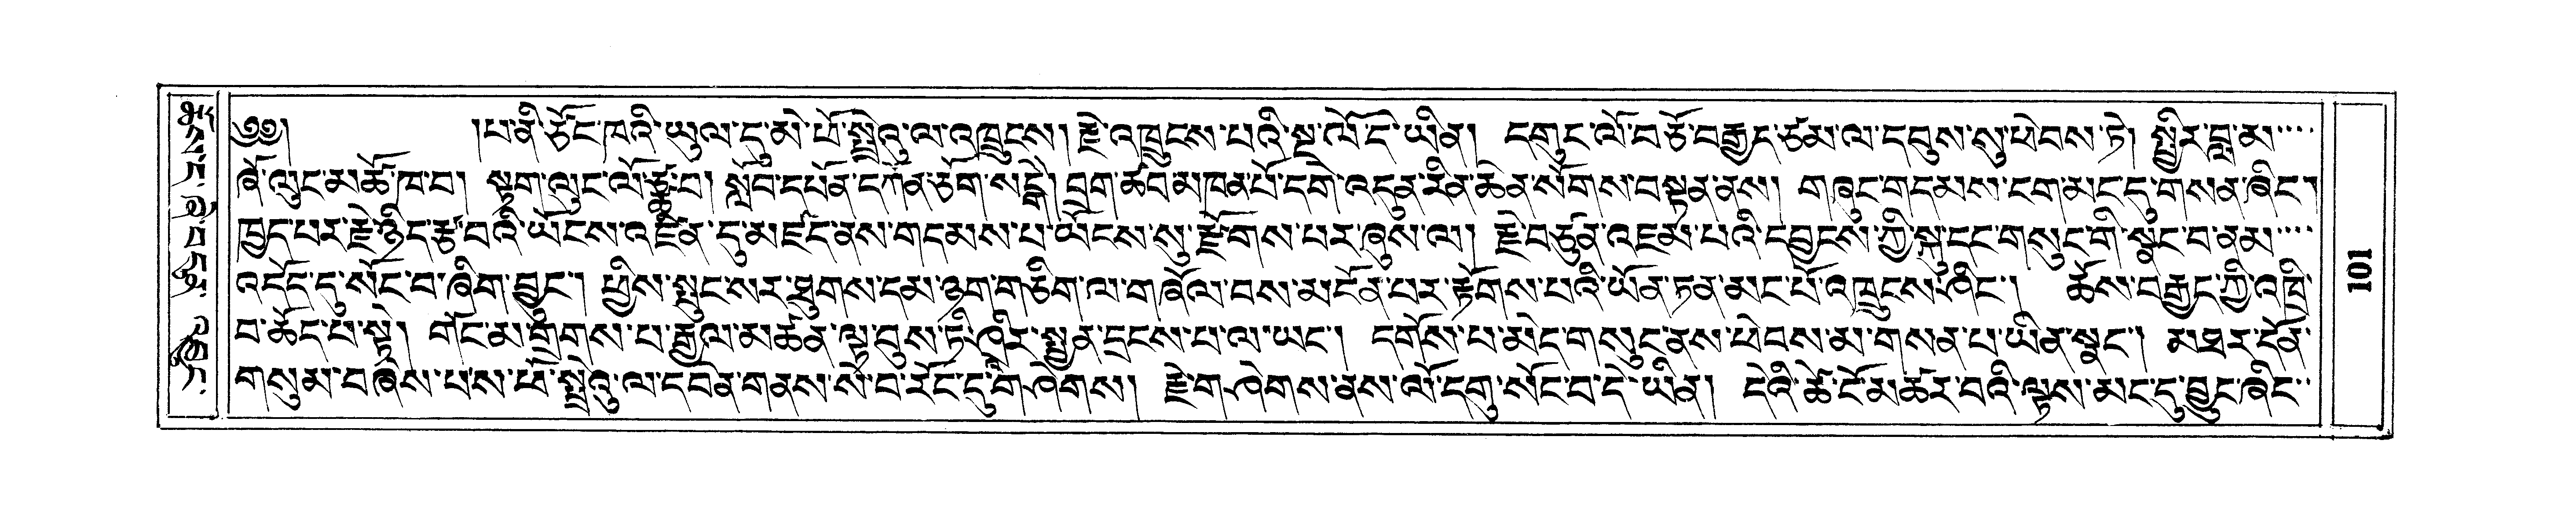༄༅། །པ་ནི་ཙོང་ཁའི་ཡུལ་དུ་མེ་ཕོ་སྤྲེའུ་ལ་འཁྲུངས། རྗེ་འཁྲུངས་པའི་སྔ་ལོ་དེ་ཡིན། དགུང་ལོ་བཅོ་བརྒྱད་ཙམ་ལ་དབུས་སུ་ཕེབས་ཏེ། སྤྱིར་བླ་མ་
ཞོ་ལུང་མཚོ་ཁ་བ། སྟག་ལུང་ལོ་ཙཚ་བ། སློབ་དཔོན་དཀོན་ཅོག་སེངྒཻ། བྲག་ཚབ་མཁན་པོ་དགེ་འདུན་རིན་ཆེན་སོགས་བསྟན་ནས། གཞུང་གདམས་ངག་མང་དུ་གསན་ཞིང་།
ཁྱད་པར་རྗེ་ཉིད་རྩ་བའི་ཡོངས་འཛིན་དུ་མཛད་ནས་གདམས་པ་ཡོངས་སུ་རྫོགས་པར་ཞུས་ལ། རྗེ་བཙུན་འཇམ་པའི་དབྱངས་ཀྱི་སྐུ་དང་གསུང་གི་སྣང་བ་ནམ་
འདོད་དུ་སོང་བ་ཞིག་བྱུང་། ཕྱིས་སྤུང་སར་ཐུགས་དམ་ཉག་གཅིག་ལ་གཞོལ་བས་མངོན་པར་རྟོགས་པའི་ཡོན་ཏན་མང་པོ་འཁྲུངས་ཤིང་། ཆོས་བརྒྱད་ཀྱི་འཁྲི་
བ་ཆོད་པ་སྟེ། གོང་མ་གྲགས་པ་རྒྱལ་མཚན་ལྟ་བུས་ཏི་ཤྲིར་སྤྱན་དྲངས་པ་ལ་ཡང་། དགོས་པ་མེད་གསུང་ནས་ཕེབས་མ་གསན་པ་ཡིན་སྣང་། མཐར་དོན་
གསུམ་བཞེས་པ་ས་ཕོ་སྤྲེའུ་ལ་དབེན་གནས་སེ་བ་རོང་དུ་གཤེགས། རྗེ་གཤེགས་ནས་ལོ་དགུ་སོང་བ་དེ་ཡིན། དེའི་ཚེ་ངོ་མཚར་བའི་ལྟས་མང་དུ་བྱུང་ཞིང་